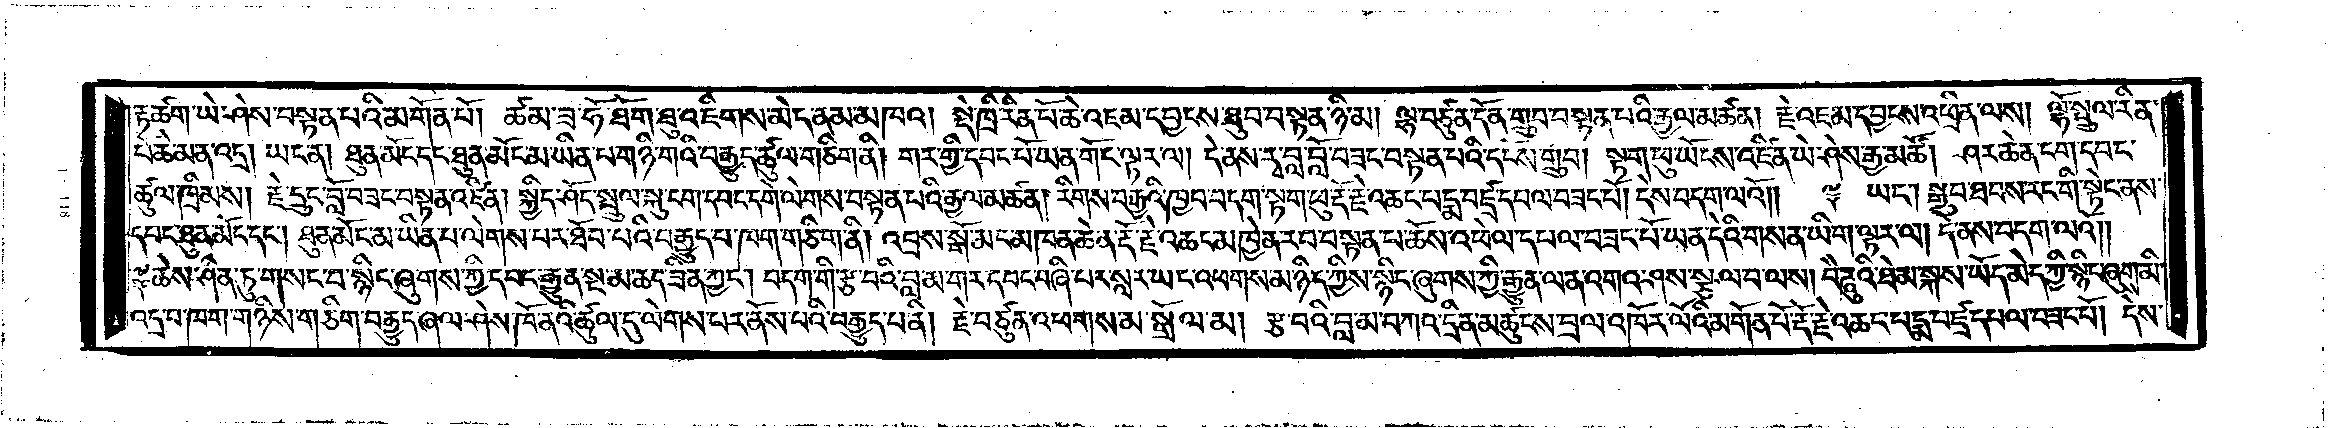རྟ་ཚག་ཡེ་ཤེས་བསྟན་པའི་མགོན་པོ། ཚམ་ཟ་ཧོ་ཐོག་ཐུ་འཇིགས་མེད་ནམ་མཁའ། སྡེ་ཁྲི་རིན་པོ་ཆེ་འཇམ་དབྱངས་ཐུབ་བསྟན་ཉི་མ། ལྷ་བཙུན་དོན་གྲུབ་བསྟན་པའི་རྒྱལ་མཚན། རྗེ་འཇམ་དབྱངས་འཕྲིན་ལས། ལྷོ་སྤྲུལ་རིན་
པོ་ཆེ་མན་འདྲ། ཡང་ན། ཐུན་མོང་དང་ཐུན་མོང་མ་ཡིན་པ་གཉི་གའི་བརྒྱུད་ཚུལ་གཅིག་ནི། གར་གྱི་དབང་པོ་ཡན་གོང་ལྟར་ལ། དེ་ནས་རྭ་བླ་བློ་བཟང་བསྟན་པའི་དངོས་གྲུབ། སྟག་ཕུ་ཡོངས་འཛིན་ཡེ་ཤེས་རྒྱ་མཚོ། ཤར་ཆེན་ངག་དབང་
ཚུལ་ཁྲིམས། རྗེ་དྲུང་བློ་བཟང་བསྟན་འཛིན། སྐྱིད་ཤོད་སྤྲུལ་སྐུ་ངག་དབང་དགེ་ལེགས་བསྟན་པའི་རྒྱལ་མཚན། རིགས་བརྒྱའི་ཁྱབ་བདག་སྟག་ཕུ་རྡོ་རྗེ་འཆང་པདམ་བཛྲ་དཔལ་བཟང་པོ། དེས་བདག་ལའོ།། ༈ ཡང་། སྒྲུབ་ཐབས་རང་གི་སྟེང་ནས་
དབང་ཐུན་མོང་དང་། ཐུན་མོང་མ་ཡིན་པ་ལེགས་པར་ཐོབ་པའི་བརྒྱུད་པ་ཁག་གཅིག་ནི། འབྲས་སྒོ་མང་མཁན་ཆེན་རྡོ་རྗེ་འཆང་མཁྱེན་རབ་བསྟན་པ་ཆོས་འཕེལ་དཔལ་བཟང་པོ་ཡན་དེའི་གསན་ཡིག་ལྟར་ལ། དེ་ནས་བདག་ལའོ།།
༈ ཆེས་ཤིན་ཏུ་གསང་བ་སྙིང་ཞུགས་ཀྱི་དབང་རྒྱུན་སྔ་མ་ཆད་ཟིན་ཀྱང་། བདག་གི་རྩ་བའི་བླ་མ་གར་དབང་བཞི་པར་སླར་ཡང་འཕགས་མ་ཉིད་ཀྱིས་སྙིང་ཞུགས་ཀྱི་རྒྱུན་ལན་འགའ་ཤས་སྩལ་བ་ལས། བཻཌཱུའི་ཐེམ་སྐས་ཡོད་མེད་ཀྱི་སྙིང་ཞུགས་མི་
འདྲ་བ་ཁག་གཉིས་གཅིག་བརྒྱུད་ཞལ་ཤེས་ཁོ་ནའི་ཚུལ་དུ་ལེགས་པར་ནོས་པའི་བརྒྱུད་པ་ནི། རྗེ་བཙུན་འཕགས་མ་སྒྲོལ་མ། རྩ་བའི་བླ་མ་བཀའ་དྲིན་མཚུངས་བྲལ་འཁོར་ལོའི་མགོན་པོ་རྡོ་རྗེ་འཆང་པདམ་བཛྲ་དཔལ་བཟང་པོ། དེས་